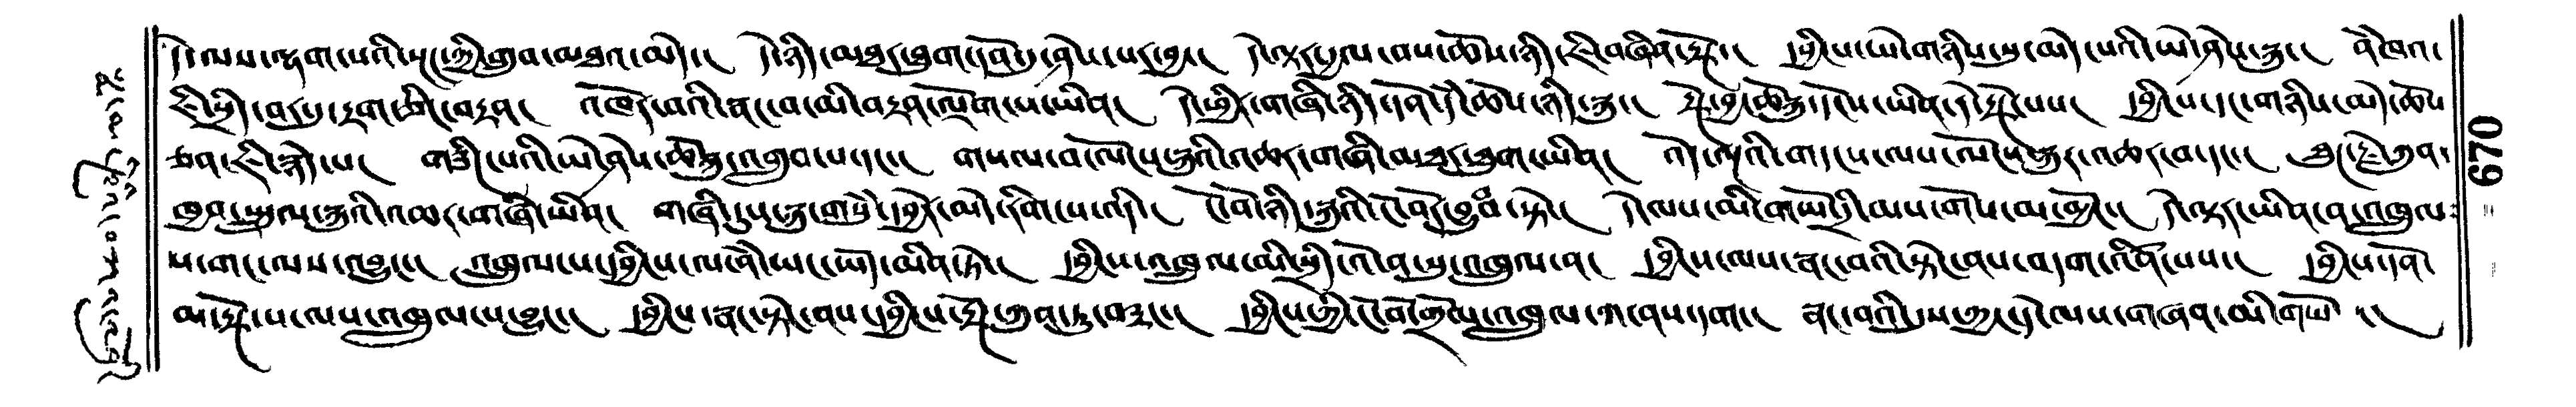།དེ་ལས་ལྷག་པའི་སྔགས་ཀྱི་གྲུབ་མཐའ་མེད། །དེ་ཉིད་མཐར་ཐུག་དོན་དུ་ཤེས་པར་བྱ། །དེ་ལྟར་རྒྱལ་བས་ཆོས་ཉིད་ཇི་བཞིན་རྟོགས། །དབྱིངས་ཡེ་གཉིས་སུ་མེད་པའི་ཡེ་ཤེས་སྐུ། །ནམ་མཁའ་
ཇི་སྲིད་བར་དུ་རྟག་ཅིང་བརྟན། །འཁོར་བའི་སྣང་བ་མི་བརྟན་ལྡོག་པ་ཡིན། །དེ་ཕྱིར་གཞི་ཉིད་དོན་དམ་ཆོས་ཉིད་སྐུ། །རྟོགས་བྱ་ཆོས་སྐུ་དངོས་ཡིན་དེ་རྟོགས་པས། །དབྱིངས་དང་གཉིས་མེད་ཆོས་
ཅན་ཇི་སྙེད་པ། །གཟིགས་པའི་ཡེ་ཤེས་ཆོས་སྐུ་འགྲུབ་པ་དང་། །གསལ་བ་ལོངས་སྐུའི་འཆར་གཞི་མཐར་ཐུག་ཡིན། །འོད་ལྔའི་གདངས་ལས་ལོངས་སྐུར་འཆར་བ་དང་། །ཐུགས་རྗེ་ཀུན་
ཁྱབ་སྤྲུལ་སྐུའི་འཆར་གཞི་ཡིན། །གཞི་དུས་སྐུ་གསུམ་དབྱེར་མེད་རིག་པ་འདི། །ངོ་བོ་ཉིད་སྐུའི་ངོ་བོར་བྱང་ཆུབ་སྟེ། །དེ་ལས་མི་གཡོ་དྲི་མས་གོས་མ་མྱོང་། །དེ་ལྟར་ཡིན་ན་འཁྲུལ་
པ་གང་ལས་འབྱུང་། །འཁྲུལ་པ་དབྱིངས་ལ་ནམ་ཡང་ཡོད་མིན་ཏེ། །དབྱིངས་འཁྲུལ་མི་སྲིད་འོ་ན་སུ་འཁྲུལ་ན། །དབྱིངས་ལས་སྣང་བའི་སྟེང་ནས་བདག་འཛིན་པས། །དབྱིངས་དོན་
མ་རྟོགས་པ་ལས་འཁྲུལ་པ་བྱུང་། །དབྱིངས་སྣང་སྟེང་ནས་དབྱིངས་རྟོགས་ཀུན་ཏུ་བཟང་། །དབྱིངས་ཀྱི་ངོ་བོ་གྲོལ་འཁྲུལ་ཀ་ནས་དག །སྣང་བའི་དུས་ཀྱང་དེ་ལས་གཞན་མི་གཡོ།